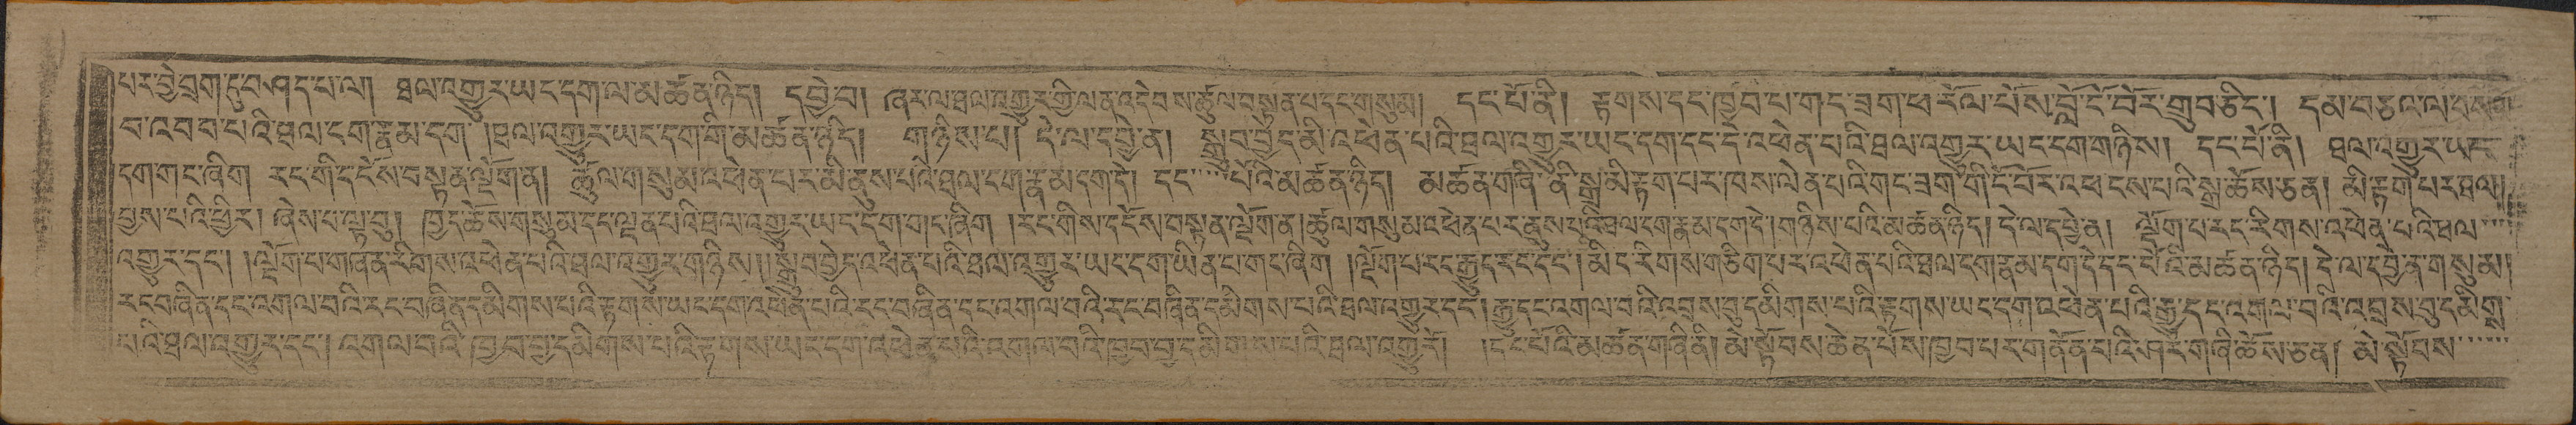པར་བྱེ་བྲག་ཏུ་བཤད་པ་ལ། ཐལ་འགྱུར་ཡང་དག་ལ་མཚན་ཉིད། དབྱེ་བ། ཞར་ལ་ཐལ་འགྱུར་གྱི་ལན་འདེབས་ཚུལ་བསྟན་པ་དང་གསུམ། དང་པོ་ནི། རྟགས་དང་ཁྱབ་པ་གང་ཟག་ཕ་རོལ་པོས་བློ་ངོ་བོར་གྲུབ་ཅིང་། དམ་བཅའ་ལ་བསལ་
བ་འབབ་པའི་ཐལ་ངག་རྣམ་དག །ཐལ་འགྱུར་ཡང་དག་གི་མཚན་ཉིད། གཉིས་པ། དེ་ལ་དབྱེ་ན། སྒྲུབ་བྱེད་མི་འཕེན་པའི་ཐལ་འགྱུར་ཡང་དག་དང་དེ་འཕེན་པའི་ཐལ་འགྱུར་ཡང་དག་གཉིས། དང་པོ་ནི། ཐལ་འགྱུར་ཡང་
དག་གང་ཞིག་རང་གི་དངོས་བསྟན་ལྡོག་ན། ཚུལ་གསུམ་འཕེན་པར་མི་ནུས་པའི་ཐལ་ངག་རྣམ་དག་དེ། དང་པོའི་མཚན་ཉིད། མཚན་གཞི་ནི་སྒྲ་མི་རྟག་པར་ཁས་ལེན་པའི་གང་ཟག་གི་ངོ་བོར་འཕངས་པའི་སྒྲ་ཆོས་ཅན། མི་རྟག་པར་ཐལ།
བྱས་པའི་ཕྱིར། ཞེས་པ་ལྟ་བུ། ཁྱད་ཆོས་གསུམ་དང་ལྡན་པའི་ཐལ་འགྱུར་ཡང་དག་གང་ཞིག །རང་གིས་དངོས་བསྟན་ལྡོག་ན། ཚུལ་གསུམ་འཕེན་པར་ནུས་པའི་ཐལ་ངག་རྣམ་དག་དེ། གཉིས་པའི་མཚན་ཉིད། དེ་ལ་དབྱེ་ན། ལྡོག་པ་རང་རིགས་འཕེན་པའི་ཐལ་
འགྱུར་དང་། །ལྡོག་པ་གཞན་རིགས་འཕེན་པའི་ཐལ་འགྱུར་གཉིས། །སྒྲུབ་བྱེད་འཕེན་པའི་ཐལ་འགྱུར་ཡང་དག་ཡིན་པ་གང་ཞིག །ལྡོག་པ་རང་རྒྱུད་རང་དང་། མིང་རིགས་གཅིག་པར་འཕེན་པའི་ཐལ་ངག་རྣམ་དག་དེ་དང་པོའི་མཚན་ཉིད། དེ་ལ་དབྱེ་ན་གསུམ།
རང་བཞིན་དང་འགལ་བའི་རང་བཞིན་དམིགས་པའི་རྟགས་ཡང་དག་འཕེན་པའི་རང་བཞིན་དང་འགལ་བའི་རང་བཞིན་དམིགས་པའི་ཐལ་འགྱུར་དང་། རྒྱུ་དང་འགལ་བའི་འབྲས་བུ་དམིགས་པའི་རྟགས་ཡང་དག་འཕེན་པའི་རྒྱུ་དང་འགལ་བའི་འབྲས་བུ་དམིགས་
པའི་ཐལ་འགྱུར་དང་། འགལ་བའི་ཁྱབ་བྱ་དམིགས་པའི་རྟགས་ཡང་དག་འཕེན་པའི་འགལ་བའི་ཁྱབ་བྱ་དམིགས་པའི་ཐལ་འགྱུར་རོ། །དང་པོའི་མཚན་གཞི་ནི། མེ་སྟོབས་ཆེན་པོས་ཁྱབ་པར་གནོན་པའི་ཤར་གཞི་ཆོས་ཅན། མེ་སྟོབས་